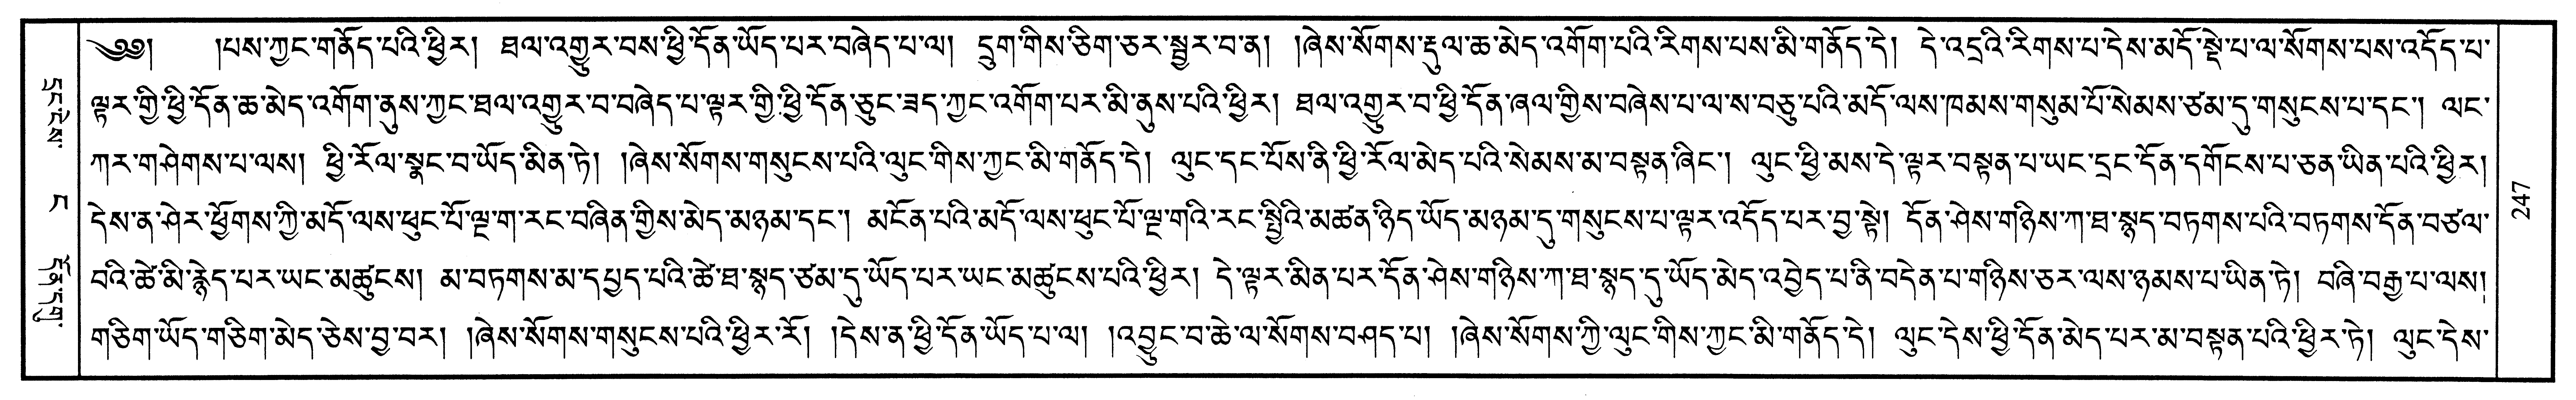༄༅། །པས་ཀྱང་གནོད་པའི་ཕྱིར། ཐལ་འགྱུར་བས་ཕྱི་དོན་ཡོད་པར་བཞེད་པ་ལ། དྲུག་གིས་ཅིག་ཅར་སྦྱར་བ་ན། །ཞེས་སོགས་རྡུལ་ཆ་མེད་འགོག་པའི་རིགས་པས་མི་གནོད་དེ། དེ་འདྲའི་རིགས་པ་དེས་མདོ་སྡེ་པ་ལ་སོགས་པས་འདོད་པ་
ལྟར་གྱི་ཕྱི་དོན་ཆ་མེད་འགོག་ནུས་ཀྱང་ཐལ་འགྱུར་བ་བཞེད་པ་ལྟར་གྱི་ཕྱི་དོན་ཅུང་ཟད་ཀྱང་འགོག་པར་མི་ནུས་པའི་ཕྱིར། ཐལ་འགྱུར་བ་ཕྱི་དོན་ཞལ་གྱིས་བཞེས་པ་ལ་ས་བཅུ་པའི་མདོ་ལས་ཁམས་གསུམ་པོ་སེམས་ཙམ་དུ་གསུངས་པ་དང་། ལང་
ཀར་གཤེགས་པ་ལས། ཕྱི་རོལ་སྣང་བ་ཡོད་མིན་ཏེ། །ཞེས་སོགས་གསུངས་པའི་ལུང་གིས་ཀྱང་མི་གནོད་དེ། ལུང་དང་པོས་ནི་ཕྱི་རོལ་མེད་པའི་སེམས་མ་བསྟན་ཞིང་། ལུང་ཕྱི་མས་དེ་ལྟར་བསྟན་པ་ཡང་དྲང་དོན་དགོངས་པ་ཅན་ཡིན་པའི་ཕྱིར།
དེས་ན་ཤེར་ཕྱོགས་ཀྱི་མདོ་ལས་ཕུང་པོ་ལྔ་ག་རང་བཞིན་གྱིས་མེད་མཉམ་དང་། མངོན་པའི་མདོ་ལས་ཕུང་པོ་ལྔ་གའི་རང་སྤྱིའི་མཚན་ཉིད་ཡོད་མཉམ་དུ་གསུངས་པ་ལྟར་འདོད་པར་བྱ་སྟེ། དོན་ཤེས་གཉིས་ཀ་ཐ་སྙད་བཏགས་པའི་བཏགས་དོན་བཙལ་
བའི་ཚེ་མི་རྙེད་པར་ཡང་མཚུངས། མ་བཏགས་མ་དཔྱད་པའི་ཚེ་ཐ་སྙད་ཙམ་དུ་ཡོད་པར་ཡང་མཚུངས་པའི་ཕྱིར། དེ་ལྟར་མིན་པར་དོན་ཤེས་གཉིས་ཀ་ཐ་སྙད་དུ་ཡོད་མེད་འབྱེད་པ་ནི་བདེན་པ་གཉིས་ཅར་ལས་ཉམས་པ་ཡིན་ཏེ། བཞི་བརྒྱ་པ་ལས།
གཅིག་ཡོད་གཅིག་མེད་ཅེས་བྱ་བར། །ཞེས་སོགས་གསུངས་པའི་ཕྱིར་རོ། །དེས་ན་ཕྱི་དོན་ཡོད་པ་ལ། །འབྱུང་བ་ཆེ་ལ་སོགས་བཤད་པ། །ཞེས་སོགས་ཀྱི་ལུང་གིས་ཀྱང་མི་གནོད་དེ། ལུང་དེས་ཕྱི་དོན་མེད་པར་མ་བསྟན་པའི་ཕྱིར་ཏེ། ལུང་དེས་